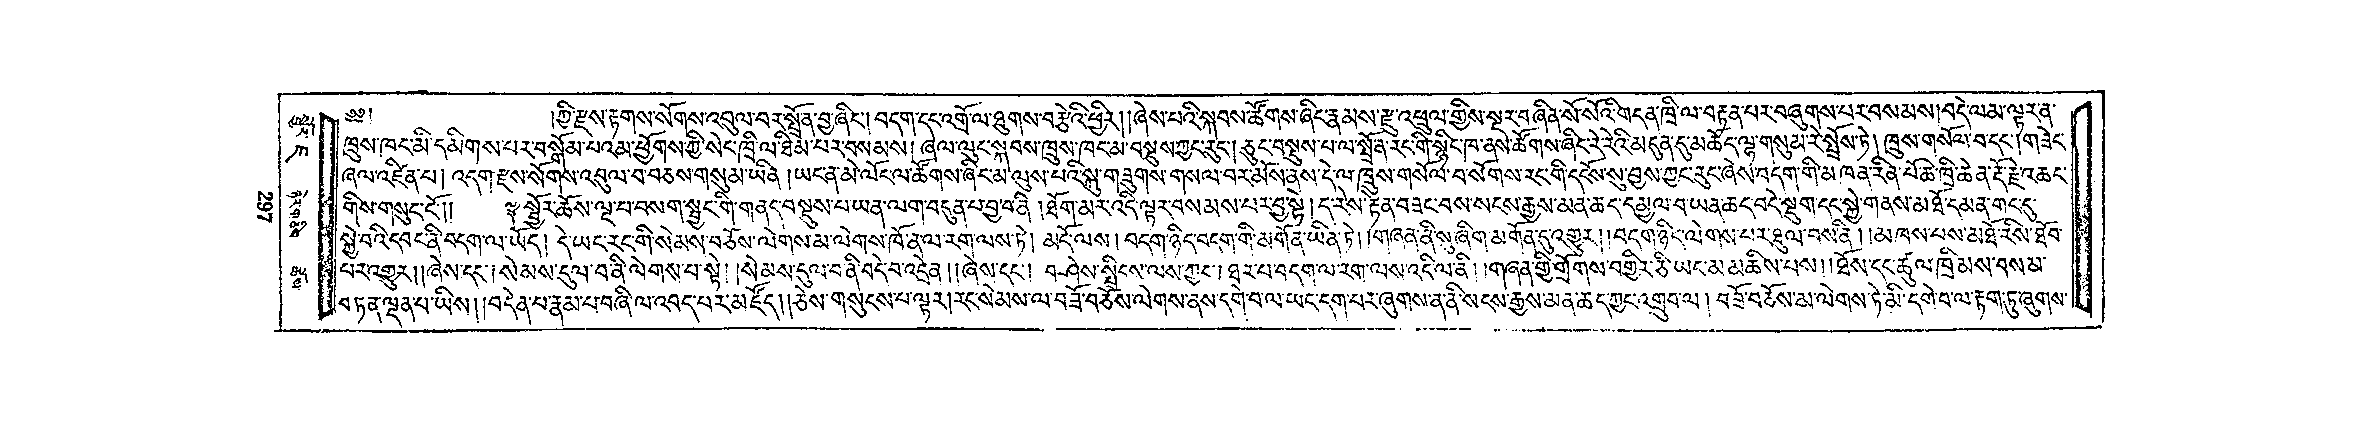༄༅། །ཀྱི་རྫས་རྟགས་སོགས་འབུལ་བར་སྤྲོ་ན་བྱ་ཞིང་། བདག་དང་འགྲོ་ལ་ཐུགས་བརྩེའི་ཕྱིར། །ཞེས་པའི་སྐབས་ཚོགས་ཞིང་རྣམས་རྫུ་འཕྲུལ་གྱིས་སྔར་བཞིན་སོ་སོའི་གདན་ཁྲི་ལ་བརྟན་པར་བཞུགས་པར་བསམས། བདེ་ལམ་ལྟར་ན་
ཁྲུས་ཁང་མི་དམིགས་པར་བསྒོམ་པའམ་ཕྱོགས་ཀྱི་སེང་ཁྲི་ལ་ཐིམ་པར་བསམས། ཞལ་ལུང་སྐབས་ཁྲུས་ཁང་མ་བསྡུས་ཀྱང་རུང་། ཅུང་བསྡུས་པ་ལ་སྤྲོ་ན་རང་གི་སྙིང་ཁ་ནས་ཚོགས་ཞིང་རེ་རེའི་མདུན་དུ་མཆོད་ལྷ་གསུམ་རེ་སྤྲོས་ཏེ། ཁྲུས་གསོལ་བ་དང་། གཟེང་
ཞལ་འཛིན་པ། འདག་རྫས་སོགས་འབུལ་བ་བཅས་གསུམ་ཡིན། ཡང་ན་མེ་ལོང་ལ་ཚོགས་ཞིང་མ་ལུས་པའི་སྐུ་གཟུགས་གསལ་བར་མོས་ནས་དེ་ལ་ཁྲུས་གསོལ་བ་སོགས་རང་གི་དངོས་སུ་བྱས་ཀྱང་རུང་ཞེས་བདག་གི་མཁན་རིན་པོ་ཆེ་ཁྲི་ཆེན་རྡོ་རྗེ་འཆང་
གིས་གསུང་ངོ། །༈ སྦྱོར་ཆོས་ལྔ་པ་བསག་སྦྱང་གི་གནད་བསྡུས་པ་ཡན་ལག་བདུན་པ་བྱ་བ་ནི། ཐོག་མར་འདི་ལྟར་བསམས་པར་བྱ་སྟེ། ད་རེས་རྟེན་བཟང་བས་སངས་རྒྱས་མན་ཆད་དམྱལ་བ་ཡན་ཆད་བདེ་སྡུག་དང་སྐྱེ་གནས་མཐོ་དམན་གང་དུ་
སྐྱེ་བའི་དབང་ནི་བདག་ལ་ཡོད། དེ་ཡང་རང་གི་སེམས་བཅོས་ལེགས་མ་ལེགས་ཁོ་ན་ལ་རག་ལས་ཏེ། མདོ་ལས། བདག་ཉིད་བདག་གི་མགོན་ཡིན་ཏེ། །གཞན་ནི་སུ་ཞིག་མགོན་དུ་འགྱུར། །བདག་ཉིད་ལེགས་པར་ཐུལ་བས་ནི། །མཁས་པས་མཐོ་རིས་ཐོབ་
པར་འགྱུར། །ཞེས་དང་། སེམས་དུལ་བ་ནི་ལེགས་པ་སྟེ། །སེམས་དུལ་བ་ནི་བདེ་བ་འདྲེན། །ཞེས་དང་། བཤེས་སྤྲིངས་ལས་ཀྱང་། ཐར་པ་བདག་ལ་རག་ལས་འདི་ལ་ནི། །གཞན་གྱི་གྲོགས་བགྱིར་ཅི་ཡང་མ་མཆིས་པས། །ཐོས་དང་ཚུལ་ཁྲིམས་བསམ་
བཏན་ལྡན་པ་ཡིས། །བདེན་པ་རྣམ་པ་བཞི་ལ་འབད་པར་མཛོད། །ཅེས་གསུངས་པ་ལྟར། རང་སེམས་ལ་བཟོ་བཅོས་ལེགས་ནས་དགེ་བ་ལ་ཡང་དག་པར་ཞུགས་ན་ནི་སངས་རྒྱས་མན་ཆད་ཀྱང་འགྲུབ་ལ། བཟོ་བཅོས་མ་ལེགས་ཏེ་མི་དགེ་བ་ལ་རྟག་ཏུ་ཞུགས་